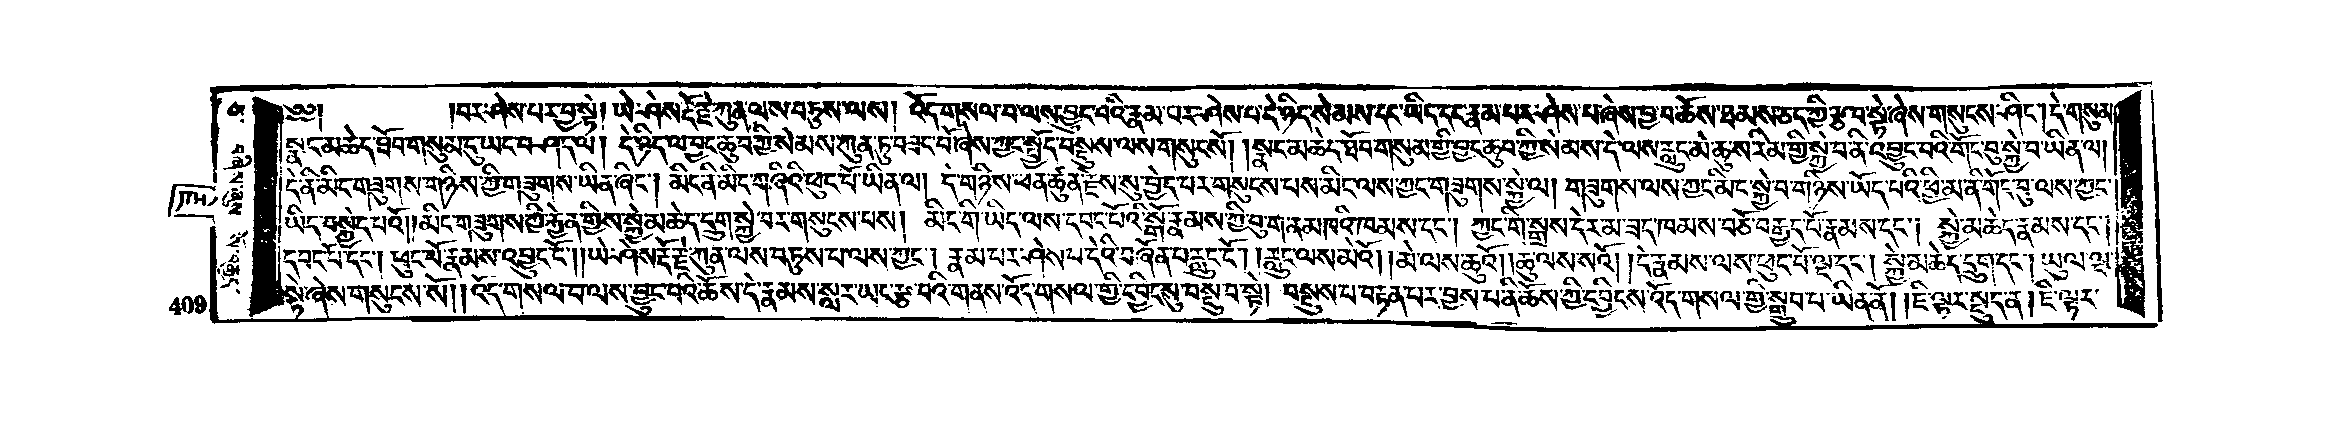༄༅། །བར་ཤེས་པར་བྱ་སྟེ། ཡེ་ཤེས་རྡོ་རྗེ་ཀུན་ལས་བཏུས་ལས། འོད་གསལ་བ་ལས་བྱུང་བའི་རྣམ་པར་ཤེས་པ་དེ་ཉིད་སེམས་དང་ཡིད་དང་རྣམ་པར་ཤེས་པ་ཞེས་བྱ་བ་ཆོས་ཐམས་ཅད་ཀྱི་རྩ་བ་སྟེ་ཞེས་གསུངས་ཤིང་། དེ་གསུམ་
སྣང་མཆེད་ཐོབ་གསུམ་དུ་ཡང་བཤད་ལ། དེ་ཉིད་ལ་བྱང་ཆུབ་ཀྱི་སེམས་ཀུན་ཏུ་བཟང་པོ་ཞེས་ཀྱང་སྤྱོད་བསྡུས་ལས་གསུངས་སོ། །སྣང་མཆེད་ཐོབ་གསུམ་གྱི་བྱང་ཆུབ་ཀྱི་སེམས་དེ་ལས་རླུང་མེ་ཆུ་ས་རིམ་གྱི་སྐྱེ་བ་ནི་འབྱུང་བའི་གོང་བུ་སྐྱེ་བ་ཡིན་ལ།
དེ་ནི་མིང་གཟུགས་གཉིས་ཀྱི་གཟུགས་ཡིན་ཞིང་། མིང་ནི་མིང་གཞིའི་ཕུང་པོ་ཡིན་ལ། དེ་གཉིས་ཕན་ཚུན་རྗེས་སུ་བྱེད་པར་གསུངས་པས་མིང་ལས་ཀྱང་གཟུགས་སྐྱེ་ལ། གཟུགས་ལས་ཀྱང་མིང་སྐྱེ་བ་གཉིས་ཡོད་པའི་ཕྱི་མ་ནི་གོང་བུ་ལས་ཀྱང་
ཡིད་བསྐྱེད་པའོ། །མིང་གཟུགས་ཀྱི་རྐྱེན་གྱིས་སྐྱེ་མཆེད་དྲུག་སྐྱེ་བར་གསུངས་པས། མིང་གི་ཡིད་ལས་དབང་པོའི་སྒོ་རྣམས་ཀྱི་བུ་ག་ནམ་མཁའི་ཁམས་དང་། ཀྱང་གི་སྒྲས་དེར་མ་ཟད་ཁམས་བཅོ་བརྒྱད་པོ་རྣམས་དང་། སྐྱེ་མཆེད་རྣམས་དང་།
དབང་པོ་དང་། ཕུང་པོ་རྣམས་འབྱུང་ངོ། །ཡེ་ཤེས་རྡོ་རྗེ་ཀུན་ལས་བཏུས་པ་ལས་ཀྱང་། རྣམ་པར་ཤེས་པ་དེའི་བཞོན་པ་རླུང་ངོ། །རླུང་ལས་མེའོ། །མེ་ལས་ཆུའོ། །ཆུ་ལས་སའོ། །དེ་རྣམས་ལས་ཕུང་པོ་ལྔ་དང་། སྐྱེ་མཆེད་དྲུག་དང་། ཡུལ་ལྔ་
སྟེ་ཞེས་གསུངས་སོ། །འོད་གསལ་བ་ལས་བྱུང་བའི་ཆོས་དེ་རྣམས་སླར་ཡང་རྩ་བའི་གནས་འོད་གསལ་གྱི་དབྱིངས་སུ་བསྡུ་བ་སྟེ། བསྡུས་པ་བརྟན་པར་བྱས་པ་ནི་ཆོས་ཀྱི་དབྱིངས་འོད་གསལ་གྱི་སྒྲུབ་པ་ཡིན་ནོ། །ཇི་ལྟར་སྡུད་ན། ཇི་ལྟར་